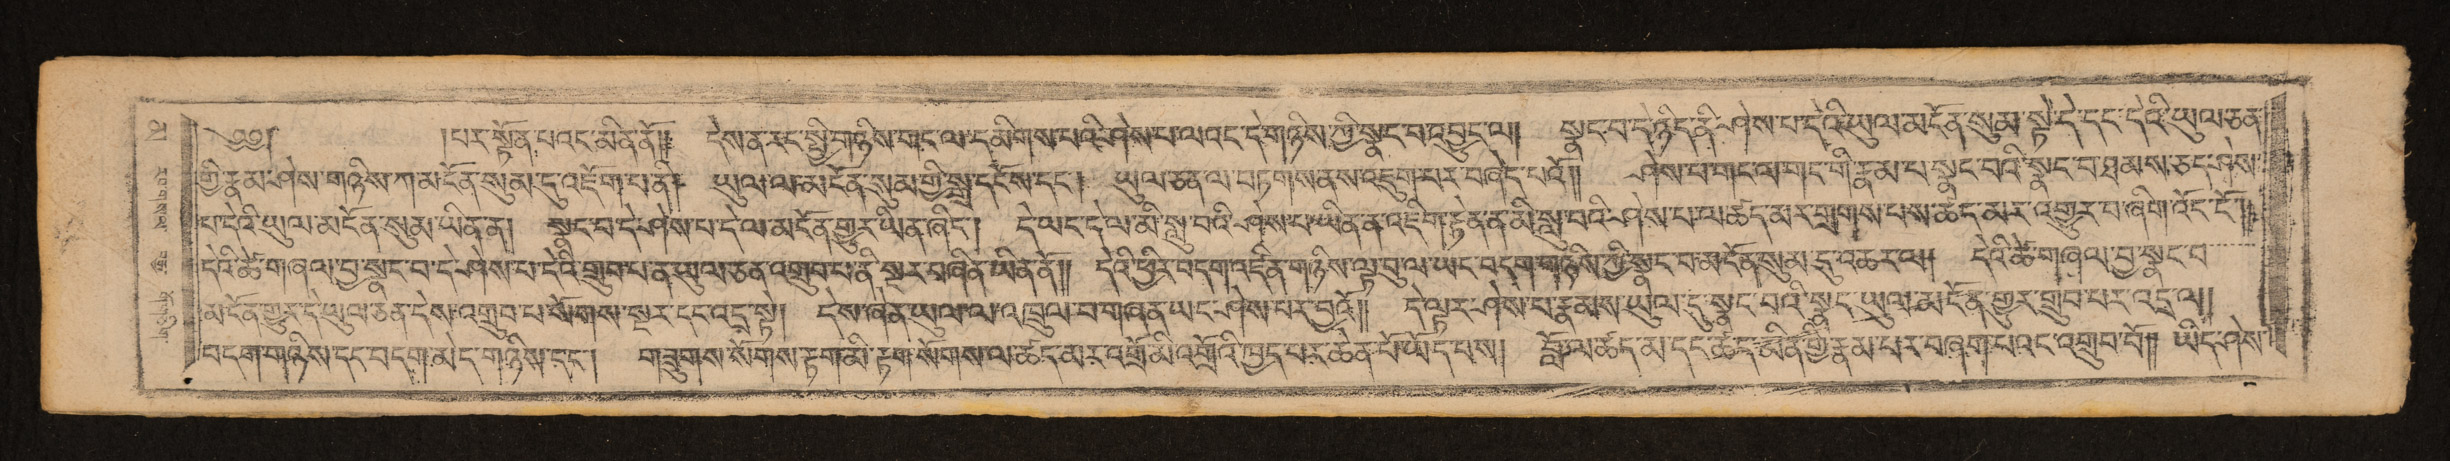༄༅། །པར་སྟོན་པའང་མིན་ནོ།། དེས་ན་རང་སྤྱི་གཉིས་གང་ལ་དམིགས་པའི་ཤེས་པ་ལའང་དེ་གཉིས་ཀྱི་སྣང་བ་འབྱུང་ལ། སྣང་བ་དེ་ཉིད་ནི་ཤེས་པ་དེའི་ཡུལ་མངོན་སུམ་སྟེ་དེ་དང་དེའི་ཡུལ་ཅན་
གྱི་རྣམ་ཤེས་གཉིས་ཀ་མངོན་སུམ་དུ་འཇོག་པ་ནི། ཡུལ་ལ་མངོན་སུམ་གྱི་སྒྲ་དངོས་དང་། ཡུལ་ཅན་ལ་བཏགས་ནས་འཇུག་པར་བཞེད་པའོ།། ཤེས་པ་གང་ལ་གང་གི་རྣམ་པ་སྣང་བའི་སྣང་བ་ཐམས་ཅད་ཤེས་
པ་དེའི་ཡུལ་མངོན་སུམ་ཡིན་ན། སྣང་བ་དེ་ཤེས་པ་དེ་ལ་མངོན་གྱུར་ཡིན་ཞིང་། དེ་ཡང་དེ་ལ་མི་སླུ་བའི་ཤེས་པ་ཡིན་ན་འཇིག་རྟེན་ན་མི་སླུ་བའི་ཤེས་པ་ལ་ཚད་མར་གྲགས་པས་ཚད་མར་འགྱུར་བ་ཞིག་འོང་ངོ།།
དེའི་ཚེ་གཞལ་བྱ་སྣང་བ་དེ་ཤེས་པ་དེའི་གྲུབ་པ་ན་ཡུལ་ཅན་འགྲུབ་པ་ནི་སྔར་བཞིན་ཡིན་ནོ།། དེའི་ཕྱིར་བདག་འཛིན་གཉིས་ལྟ་བུ་ལ་ཡང་བདག་གཉིས་ཀྱི་སྣང་བ་མངོན་སུམ་དུ་འཆར་ལ། དེའི་ཚེ་གཞལ་བྱ་སྣང་བ་
མངོན་གྱུར་དེ་ཡུལ་ཅན་དེས་འགྲུབ་པ་སོགས་སྔར་དང་འདྲ་སྟེ། དེས་ཞེན་ཡུལ་ལ་འཁྲུལ་བ་གཞན་ཡང་ཤེས་པར་བྱའོ།། དེ་ལྟར་ཤེས་པ་རྣམས་ཡུལ་དུ་སྣང་བའི་སྣང་ཡུལ་མངོན་གྱུར་གྲུབ་པར་འདྲ་ལ།
བདག་གཉིས་དང་བདག་མེད་གཉིས་དང་། གཟུགས་སོགས་རྟག་མི་རྟག་སོགས་ལ་ཚད་མར་འགྲོ་མི་འགྲོའི་ཁྱད་པར་ཆེན་པོ་ཡོད་པས། བློ་ལ་ཚད་མ་དང་ཚད་མིན་གྱི་རྣམ་པར་བཞག་པའང་འགྲུབ་བོ།། ཡིད་ཤེས་